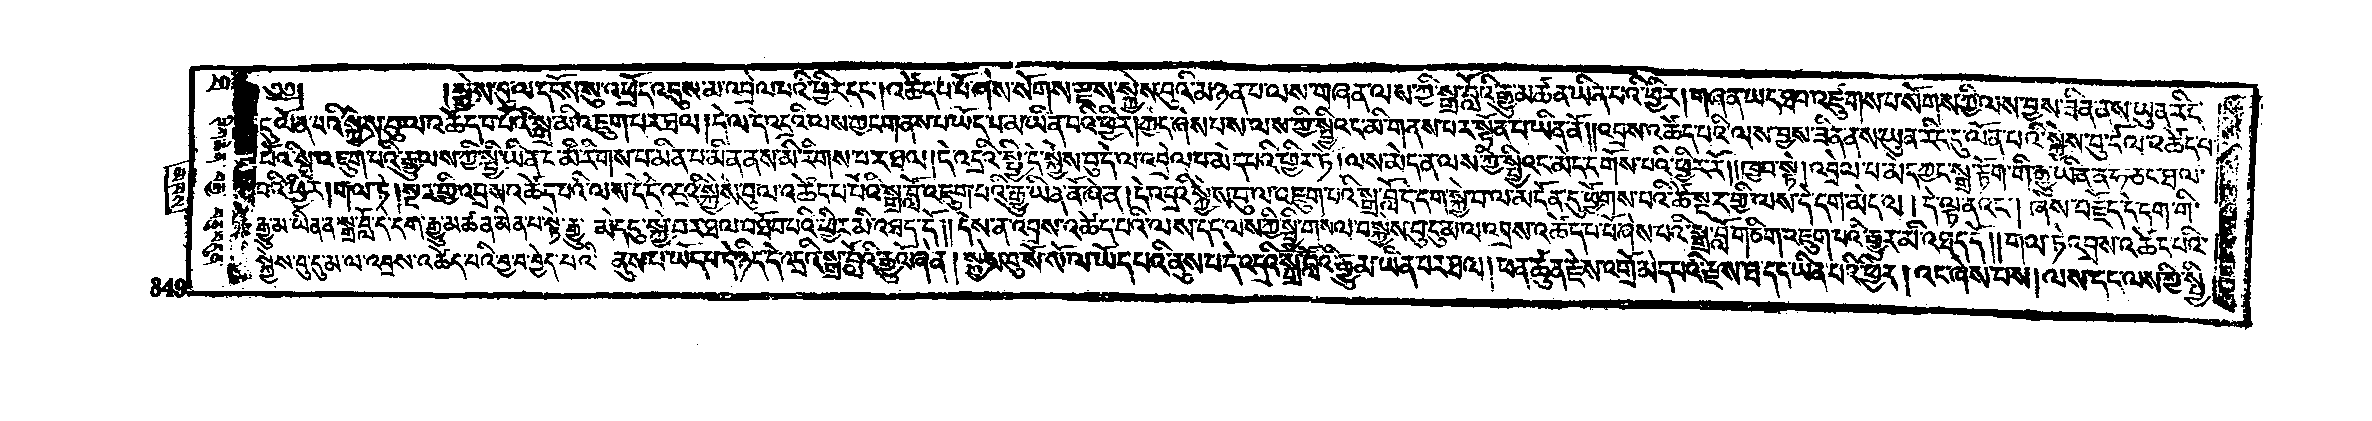༄༅། །སྐྱེས་བུ་ལ་དངོས་སུ་འཕྲོད་འདུས་མ་འབྲེལ་པའི་ཕྱིར་དང་། འཚེད་པ་པོ་ཞེས་སོགས་རྫས་སྐྱེས་བུའི་མཉན་པ་ལས་གཞན་ལས་ཀྱི་སྒྲ་བློའི་རྒྱུ་མཚན་ཡིན་པའི་ཕྱིར། གཞན་ཡང་ཐབ་འཛུགས་པ་སོགས་ཀྱི་ལས་བྱས་ཟིན་ནས་ཡུན་རིང་
དུ་ལོན་པའི་སྐྱེས་བུ་ལ་འཚེད་པ་པོའི་སྒྲ་མི་འཇུག་པར་ཐལ། དེ་ལ་དེ་འདྲའི་ལས་ཀྱང་གནས་པ་ཡོད་པ་མ་ཡིན་པའི་ཕྱིར། ཀྱང་ཞེས་པས་ལས་ཀྱི་སྤྱིའང་མི་གནས་པར་སྟོན་པ་ཡིན་ནོ། །འབྲས་འཚེད་པའི་ལས་བྱས་ཟིན་ནས་ཡུན་རིང་དུ་ལོན་པའི་སྐྱེས་བུ་དེ་ལ་འཚེད་པ་
པོའི་སྒྲ་འཇུག་པའི་རྒྱུ་ལས་ཀྱི་སྤྱི་ཡིན་པ་མི་རིགས་པ་མིན་པ་མིན་ནས་མི་རིགས་པར་ཐལ། དེ་འདྲའི་སྤྱི་དེ་སྐྱེས་བུ་དེ་ལ་འབྲེལ་པ་མེད་པའི་ཕྱིར་ཏེ། ལས་མེད་ན་ལས་ཀྱི་སྤྱིའང་མེད་དགོས་པའི་ཕྱིར་རོ། །ཁྱབ་སྟེ། འབྲེལ་པ་མེད་ཀྱང་སྒྲ་རྟོག་གི་རྒྱུ་ཡིན་ན་ཧ་ཅང་ཐལ་
བའི་ཕྱིར། གལ་ཏེ། སྔར་གྱི་འབྲས་འཚེད་པའི་ལས་དེ་དེ་འདྲའི་སྐྱེས་བུ་ལ་འཚེད་པ་པོའི་སྒྲ་བློ་འཇུག་པའི་རྒྱུ་ཡིན་ནོ་ཞེ་ན། དེ་འདྲའི་སྐྱེས་བུ་ལ་འཇུག་པའི་སྒྲ་བློ་དེ་དག་སྐྱེ་བ་ལ་མངོན་དུ་ཕྱོགས་པའི་ཚེ་སྔར་གྱི་ལས་དེ་དག་མེད་ལ། དེ་ལྟ་ནའང་། ཞེས་བརྗོད་དེ་དག་གི་
རྒྱུ་མ་ཡིན་ན་སྒྲ་བློ་དེ་དག་རྒྱུ་མཚན་མིན་པ་སྟེ་རྒྱུ་མེད་དུ་སྐྱེ་བར་ཐལ་བ་ཐོབ་པའི་ཕྱིར་མི་འཐད་དོ། །དེས་ན་འབྲས་འཚེད་པའི་ལས་དང་ལས་ཀྱི་སྤྱི་གསལ་བ་སྐྱེས་བུ་དུ་མ་ལ་འབྲས་འཚེད་པ་པོ་ཞེས་པའི་སྒྲ་བློ་གཅིག་འཇུག་པའི་རྒྱུར་མི་འཐད་དོ། །གལ་ཏེ་འབྲས་འཚེད་པའི་
སྐྱེས་བུ་དུ་མ་ལ་འབྲས་འཚེད་པའི་བྱ་བ་བྱེད་པའི་ནུས་པ་ཡོད་པ་དེ་ཉིད་དེ་འདྲའི་སྒྲ་བློའི་རྒྱུའོ་ཞེ་ན། སྐྱེས་བུ་སོ་སོ་ལ་ཡོད་པའི་ནུས་པ་དེ་འདྲའི་སྒྲ་བློའི་རྒྱུ་མ་ཡིན་པར་ཐལ། ཕན་ཚུན་རྗེས་འགྲོ་མེད་པའི་རྫས་ཐ་དད་ཡིན་པའི་ཕྱིར། འང་ཞེས་པས། ལས་དང་ལས་ཀྱི་སྤྱི་